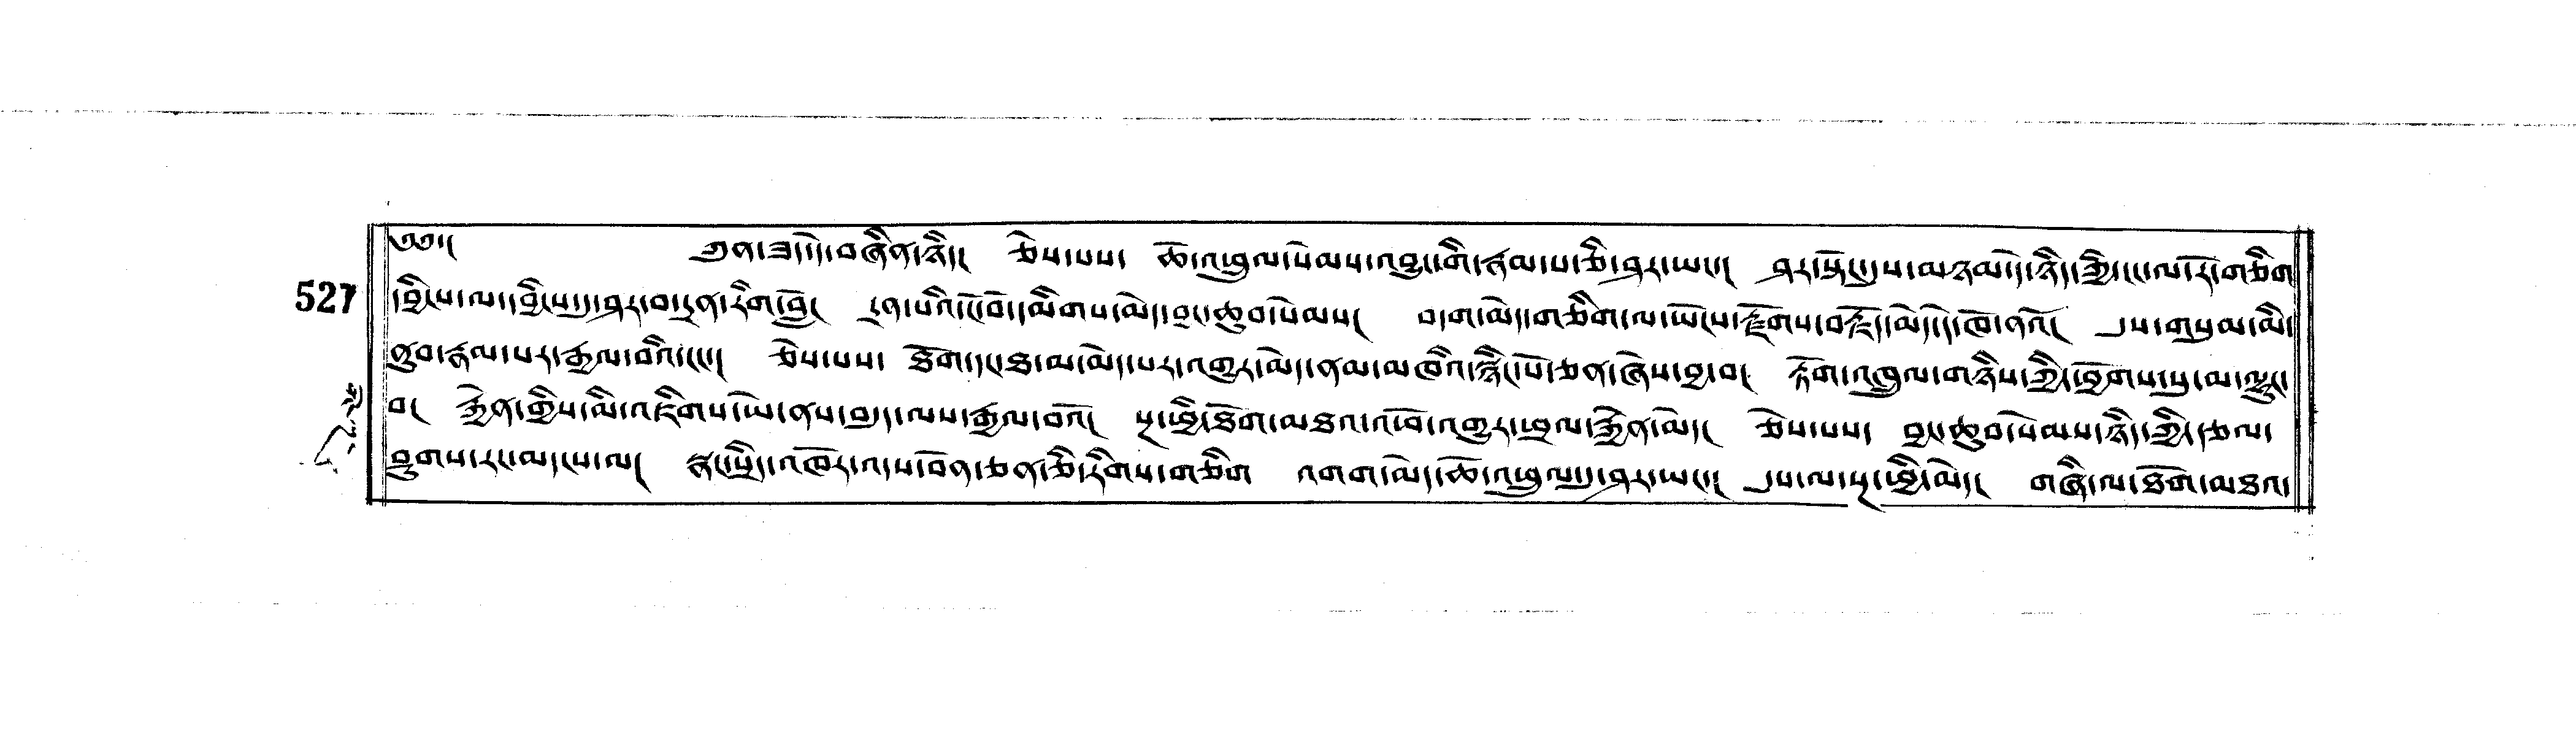ཀུན་ཟད་དེ་བཞིན་ཉིད། ཅེས་པས། ཆོ་འཕྲུལ་སེམས་བྱུང་གི་རྣམ་པ་ཅི་ཤར་ཡང་། ཤར་སྟོང་དུས་མཉམ་དེ་ཉིད་ཀྱི་ངང་ལ་རོ་གཅིག་
དབྱིངས་ལ་དབྱིངས་དུ་ཤར་བ་དྲན་རིག་བློ། དྲན་པའི་ངོ་བོ་དམིགས་མེད་བྱང་ཆུབ་སེམས། བདག་མེད་གཅིག་ལ་ཡོངས་རྫོགས་དེ་ཁོ་ནའོ། དུས་གསུམ་མི་
ནུབ་རྣམ་པར་རྒྱལ་བའི་ངང་། ཅེས་པས། ཐོག་དང་ཐ་མ་མེད་པར་འགྱུར་མེད་ནམ་མཁའི་སྙིང་པོ་ཅན་ཞེས་བྱ་བ། རྟོགས་འཁྲུལ་གཉིས་ཀྱི་ཕྱོགས་སུ་མ་ལྷུང་
བ། རྐྱེན་གྱིས་མི་འཇིག་ཡེ་ནས་བདུད་ལས་རྒྱལ་བའོ། སྔ་ཕྱི་ཐོག་མཐའ་འཕོ་འགྱུར་འཕྲལ་རྐྱེན་མེད། ཅེས་པས། བྱང་ཆུབ་སེམས་ཉིད་ཀྱི་རྩལ་
ཤུགས་རང་མདངས་ལ། སྣང་སྲིད་འཁོར་འདས་བོན་ཅན་ཅི་རིགས་གཅིག འགག་མེད་ཆོ་འཕྲུལ་དུ་ཤར་ཡང་། དུས་ལ་སྔ་ཕྱི་མེད། གཞི་ལ་ཐོག་མཐའ་